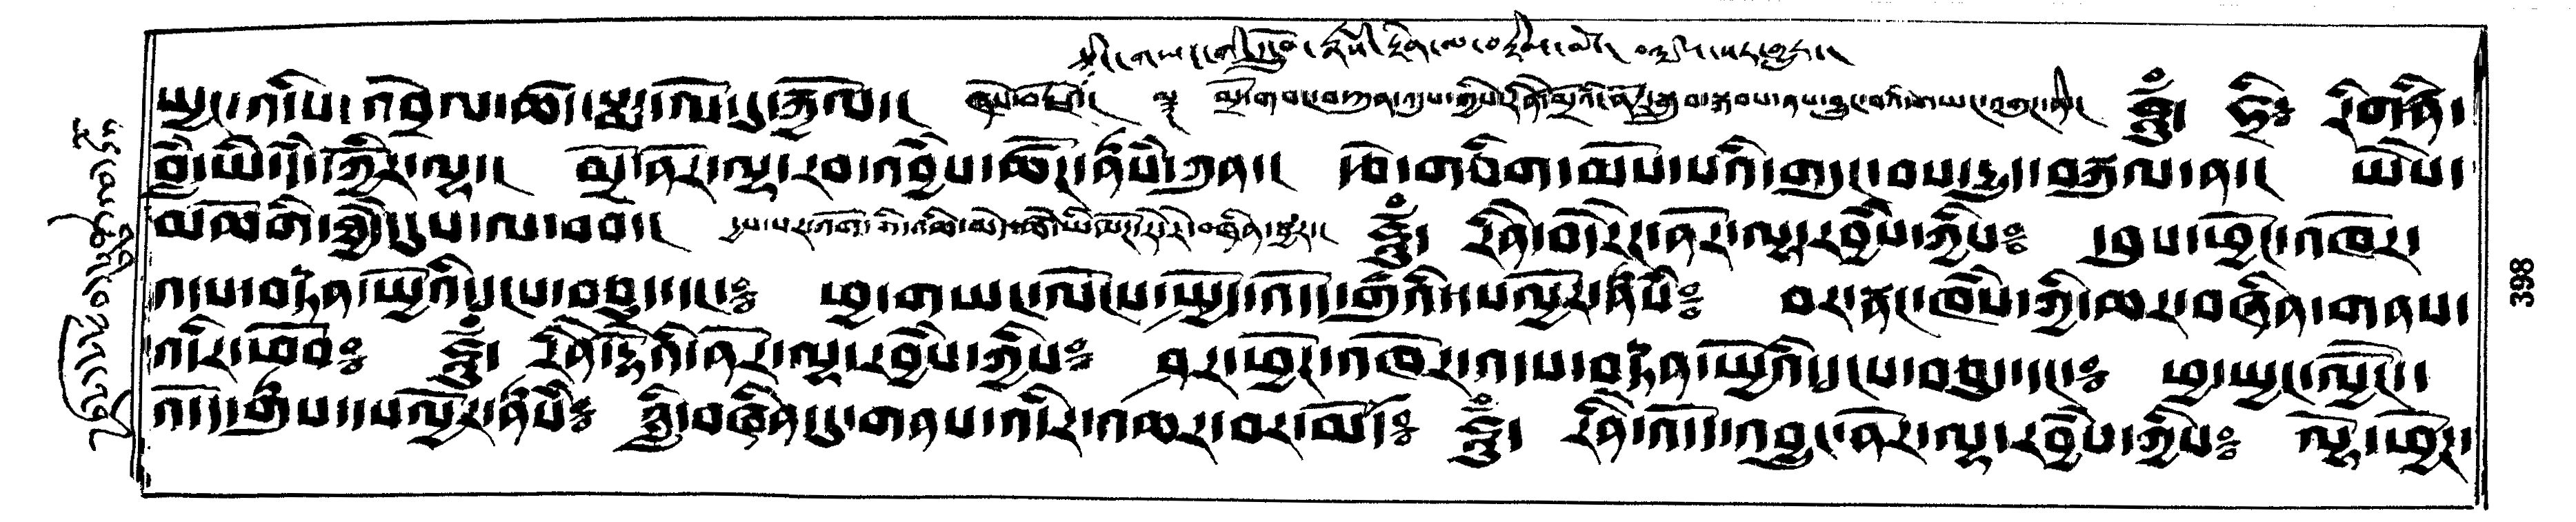།གཡང་འདིས་འབྲེལ་ཚད་པདྨ་འོད་དུ་སྐྱོལ། །ཞེས་བརྗོད། ༈ མཁའ་འགྲོ་གསང་བ་ཀུན་འདུས་ཀྱི་རིན་ཆེན་མཁའ་འགྲོའི་ནོར་སྒྲུབ་སྐབས་ནས་བྱུང་བའི་གཡང་འགུགས་ནི། ཧཱུ་ྃཧྲི༔ རིག་འཛིན་
བླ་མ་ཡི་དམ་དཀྱིལ་འཁོར་ལྷ། །མཁའ་འགྲོ་ནོར་ལྷ་རབ་འབྱམས་ཚོགས་རྣམས་ཀུན། །རྩེ་གཅིག་མོས་པའི་གདུང་བས་རྒྱུད་བསྐུལ་ན། །ཡེ་ཤེས་
མཆོག་གི་ཐུགས་རྗེ་དུས་ལ་བབ། ། རྒྱས་པར་འོག་གི་འཆི་མེད་ཚེ་ཡི་སོགས་རེ་རེ་བཞིན་སྦྱར། ཧཱུྃ༔ རིན་ཆེན་བདེ་གཤེགས་ནོར་ལྷ་རབ་འབྱམས་ཀྱིས༔ དབུས་ཕྱོགས་འཁོར་
འདས་བརྟན་གཡོའི་དྭངས་བཅུད་དང༔ ཕྱག་གཡང་ལོངས་སྤྱོད་འདོད་རྒུའི་དཔལ་འབྱོར་རྣམས༔ བར་སྣང་ཁམས་ཀྱི་ཆར་བཞིན་གནས་
འདིར་ཕོབ༔ ཧཱུྃ༔ རིན་ཆེན་རྡོ་རྗེའི་ནོར་ལྷ་རབ་འབྱམས་ཀྱིས༔ ཤར་ཕྱོགས་འཁོར་འདས་བརྟན་གཡོའི་དྭངས་བཅུད་དང༔ ཕྱྭ་གཡང་ལོངས་སྤྱོད་
འདོད་རྒུའི་དཔལ་འབྱོར་རྣམས༔ ཉི་ཟླ་བཞིན་དུ་གནས་འདིར་འཆར་བར་མཛོད༔ ཧཱུྃ༔ རིན་ཆེན་འདོད་འབྱུང་ནོར་ལྷ་རབ་འབྱམས་ཀྱིས༔ ལྷོ་ཕྱོགས་